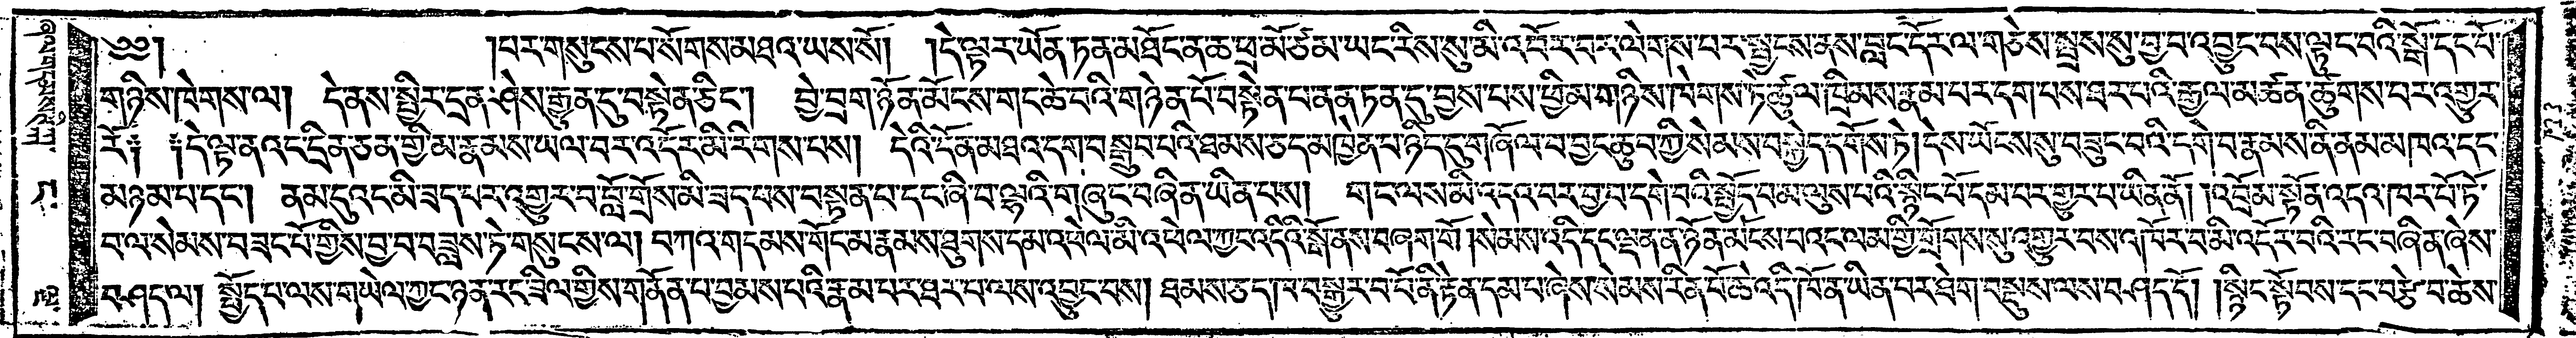༄༅། །པར་གསུངས་པ་སོགས་མཐའ་ཡས་སོ། །དེ་ལྟར་ཡོན་ཏན་མཐོང་ན་ཆ་ཕྲ་མོ་ཙམ་ཡང་རིས་སུ་མི་འབོར་བར་ལེགས་བར་སྦྱངས་ནས་བླང་བར་ལ་གཅེས་སྦྲས་སུ་བྱ་བ་འབྱུང་བས་ལྟུང་བའི་སྒོ་དང་པོ་
གཉིས་ཁེགས་ལ། དེ་ནས་སྦྱིར་དྲན་ཤེས་རྒྱུན་དུ་བསྟེན་ཅིང་། བྱེ་བྲག་ཉོན་མོངས་གང་ཆེ་བའི་གཉེན་པོ་བསྟེན་པ་ནན་ཏན་དུ་བྱས་པས་ཕྱི་མ་གཉིས་ཁེགས་ཏེ་ཚུལ་ཁྲིམས་རྣམ་པར་དག་བས་ཐར་པའི་རྒྱལ་མཚན་ཚུགས་པར་འགྱུར་
རོ༑ ༑དེ་ལྟ་ནའང་དྲིན་ཅན་གྱི་མ་རྣམས་ཡལ་བར་འདོར་མི་རིགས་པས། དེའི་དོན་མཐའ་དག་བསྒྲུབ་པའི་ཐམས་ཅད་མཁྱེན་པ་ཉིད་དུ་གཞོལ་བ་བྱང་ཆུབ་ཀྱི་སེམས་བསྐྱེད་དགོས་ཏེ། དེས་ཡོངས་སུ་བཟུང་བའི་དགེ་བ་རྣམས་ནི་ནམ་མཁའ་དང་
མཉམ་པ་དང་། ནམ་དུའང་མི་ཟད་པར་འགྱུར་བ་བློ་གྲོས་མི་ཟད་པས་བསྟན་པ་དང་ཞི་བ་ལྷའི་གཞུང་བཞིན་ཡིན་པས། གང་ལས་མི་འདའ་བར་བྱ་བ་དགེ་བའི་སྦྱོད་བ་མ་ལུས་བའི་སྙིང་པོ་དམ་པར་གྱུར་པ་ཡིན་ནོ། །འབྲོམ་སྟོན་འདའ་ཁར་བོ་ཏོ་
བ་ལ་སེམས་བཟང་པོ་གྱིས་བྱ་བ་བཟླས་ཏེ་གསུངས་ལ། བཀའ་གདམས་གོང་མ་རྣམས་ཐུགས་དམ་འཕེལ་མི་འཕེལ་ཀྱང་འདིའི་སྒོ་ནས་བཞག་གོ །སེམས་འདི་དང་ལྡན་ན་ཉོན་མོངས་བའང་ལམ་གྱི་གྲོགས་སུ་འགྱུར་བས་འཁོར་བ་མི་འདོར་བའི་རང་བཞིན་ཞེས་
བཤད་ལ། སྤྱོད་བ་ལས་གཡེལ་ཀྱང་ཉན་རང་ཟིལ་གྱིས་གནོན་པ་བྱམས་པའི་རྣམ་པར་ཐར་བ་ལས་འབྱུང་བས། ཐམས་ཅད་ཁ་བསྒྱུར་བ་པོ་ནི་རྟེན་དམ་པ་ཞེས་སེམས་རིན་པོ་ཆེ་འདི་ཁོ་ན་ཡིན་པར་ཐེག་བསྡུས་ལས་བཤད་དོ། །སྙིང་སྟོབས་དང་བརྩེ་བ་ཆས་